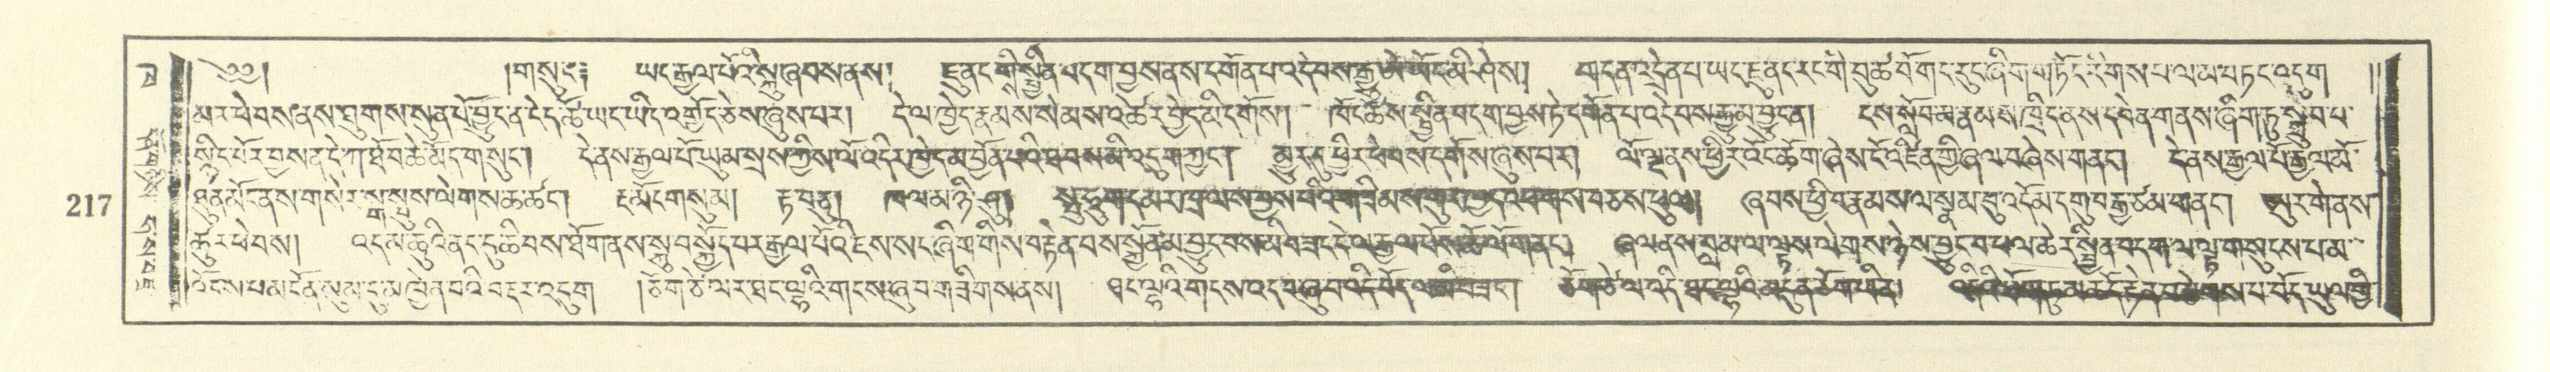༄༅། །གསུང༑ ཡང་རྒྱལ་པོའི་སྐུ་ཞབས་ནས། ཇུ་ནང་གིས་སྦྱིན་བདག་བྱས་ནས་དགོན་པ་འདེབས་རྒྱུ་ཨེ་ཡོང་མི་ཤེས། གདན་འདྲེན་པ་ཡང་ཇུ་ནང་རང་གི་བུ་ཚ་བོ་གང་རུང་ཞིག་གཏོང་རིགས་པ་ལ་མ་བཏང་འདུག །
མར་ཕེབས་ནས་ཐུགས་སུན་པོ་བྱུང་ན་དེད་ཚོ་ཡང་ཡིད་འགྱོད་ཅེས་ཞུས་པར། དེ་ལ་ཁྱེད་རྣམས་སེམས་འཚེར་བྱེད་མི་དགོས། ཁོང་ཚོས་སྦྱིན་བདག་བྱས་ཏེ་དགོན་པ་འདེབས་རྒྱུ་མ་བྱུང་ན། ངས་སློབ་མ་རྣམས་ཁྲིད་ནས་དབེན་གནས་ཞིག་ཏུ་སྒྲུབ་པ་
སྙིང་པོར་བྱས་ན་དེ་ཀ་ཐོབ་ཆེ་མོད་གསུང་། དེ་ནས་རྒྱལ་པོ་ཡུམ་སྲས་ཀྱིས་ལོ་འདིར་ཁྱེད་མ་བྱོན་པའི་ཐབས་མི་འདུག་ཀྱང་། མྱུར་དུ་ཕྱིར་ཕེབས་དགོས་ཞུས་པར། ལོ་ལྔ་ནས་ཕྱིར་འོང་ཆོག་ཞེས་ངོ་འཛིན་གྱི་ཞལ་བཞེས་གནང་། དེ་ནས་རྒྱལ་པོ་རྒྱལ་མོ་
ཐུན་མོང་ནས་གསེར་སྒ་སྤུས་ལེགས་ཆ་ཚང་། རྔ་མོང་གསུམ། རྟ་བཅུ། ཁལ་མ་ཉི་ཤུ། སྤུ་ཧྲུག་དམར་ཁྲ་ལས་བྱས་པའི་གཟིམས་གུར་ཁྱད་འཕགས་བཅས་ཕུལ། ཞབས་ཕྱི་བ་རྣམས་ལ་སྣམ་བུ་འདོམ་དགུ་བརྒྱ་ཙམ་གནང་། ཨུར་གེ་ནས་
ཚུར་ཕེབས། འདམ་ཆུའི་ནང་དུ་ཆིབས་ཐོག་ནས་སྐུ་བསྐྱོད་པར་རྒྱལ་པོའི་ཇས་སང་ཞིག་གིས་བརྟེན་པས་སྐྱོན་མ་བྱུང་བས་མི་བཟང་དེ་ལ་རྒྱལ་པོས་ཆོ་ལོ་གནང་། ཞལ་ནས་བླ་མ་ལ་ལྟས་ལེགས་ཉེས་བྱུང་བ་ཕལ་ཆེར་སྦྱིན་བདག་ལ་ལྟ་གསུངས་པ་མ་
འོངས་པ་མངོན་སུམ་དུ་མཁྱེན་པའི་བརྡར་འདུག །ཅོག་ཙེ་ལར་ཐང་ལྷའི་གངས་ཞུ་བ་གཟིགས་ནས། ཐང་ལྷའི་གངས་འདབ་ཞུ་བ་འདི་བོད་ལ་མི་བཟང་། ཅོག་ཙེ་ལ་འདི་ཐང་ལྷའི་མདུན་ཅོག་ཡིན། འདིའི་ཐོག་ཏུ་མཆོད་རྟེན་བརྩེགས་པ་བོད་ཡུལ་གྱི་